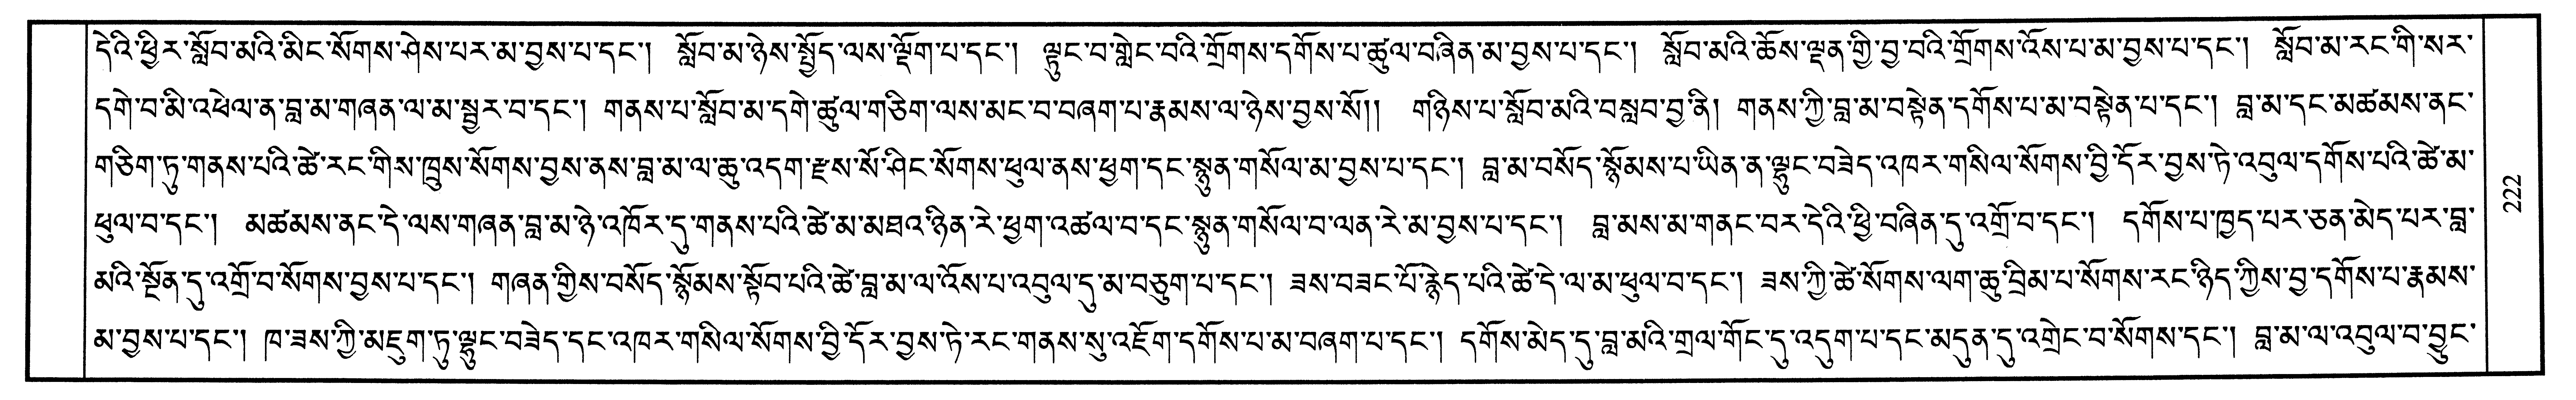དེའི་ཕྱིར་སློབ་མའི་མིང་སོགས་ཤེས་པར་མ་བྱས་པ་དང་། སློབ་མ་ཉེས་སྤྱོད་ལ་ལྡོག་པ་དང་། ལྟུང་བ་གླེང་བའི་གྲོགས་དགོས་པ་ཚུལ་བཞིན་མ་བྱས་པ་དང་། སློབ་མའི་ཆོས་ལྡན་གྱི་བྱ་བའི་གྲོགས་འོས་པ་མ་བྱས་པ་དང་། སློབ་མ་རང་གི་སར་
དགེ་བ་མི་འཕེལ་ན་བླ་མ་གཞན་ལ་མ་སྦྱར་བ་དང་། གནས་པ་སློབ་མ་དགེ་ཚུལ་གཅིག་ལས་མང་བ་བཞག་པ་རྣམས་ལ་ཉེས་བྱས་སོ།། གཉིས་པ་སློབ་མའི་བསླབ་བྱ་ནི། གནས་ཀྱི་བླ་མ་བསྟེན་དགོས་པ་མ་བསྟེན་པ་དང་། བླ་མ་དང་མཚམས་ནང་
གཅིག་ཏུ་གནས་པའི་ཚེ་རང་གིས་ཁྲུས་སོགས་བྱས་ནས་བླ་མ་ལ་ཆུ་འདག་རྫས་སོ་ཤིང་སོགས་ཕུལ་ནས་ཕྱག་དང་སྙུན་གསོལ་མ་བྱས་པ་དང་། བླ་མ་བསོད་སྙོམས་པ་ཡིན་ན་ལྷུང་བཟེད་འཁར་གསིལ་སོགས་བྱི་དོར་བྱས་ཏེ་འབུལ་དགོས་པའི་ཚེ་མ་
ཕུལ་བ་དང་། མཚམས་ནང་དེ་ལས་གཞན་བླ་མ་ཉེ་འཁོར་དུ་གནས་པའི་ཚེ་མ་མཐའ་ཉིན་རེ་ཕྱག་འཚལ་བ་དང་སྙུན་གསོལ་བ་ལན་རེ་མ་བྱས་པ་དང་། བླ་མས་མ་གནང་བར་དེའི་ཕྱི་བཞིན་དུ་འགྲོ་བ་དང་། དགོས་པ་ཁྱད་པར་ཅན་མེད་པར་བླ་
མའི་སྔོན་དུ་འགྲོ་བ་སོགས་བྱས་པ་དང་། གཞན་གྱིས་བསོད་སྙོམས་སྟོབ་པའི་ཚེ་བླ་མ་ལ་འོས་པ་འབུལ་དུ་མ་བཅུག་པ་དང་། ཟས་བཟང་པོ་རྙེད་པའི་ཚེ་དེ་ལ་མ་ཕུལ་བ་དང་། ཟས་ཀྱི་ཚེ་སོགས་ལག་ཆུ་བྲིམ་པ་སོགས་རང་ཉིད་ཀྱིས་བྱ་དགོས་པ་རྣམས་
མ་བྱས་པ་དང་། ཁ་ཟས་ཀྱི་མཇུག་ཏུ་ལྷུང་བཟེད་དང་འཁར་གསིལ་སོགས་བྱི་དོར་བྱས་ཏེ་རང་གནས་སུ་འཇོག་དགོས་པ་མ་བཞག་པ་དང་། དགོས་མེད་དུ་བླ་མའི་གྲལ་གོང་དུ་འདུག་པ་དང་མདུན་དུ་འགྲེང་བ་སོགས་དང་། བླ་མ་ལ་འབུལ་བ་བྱུང་